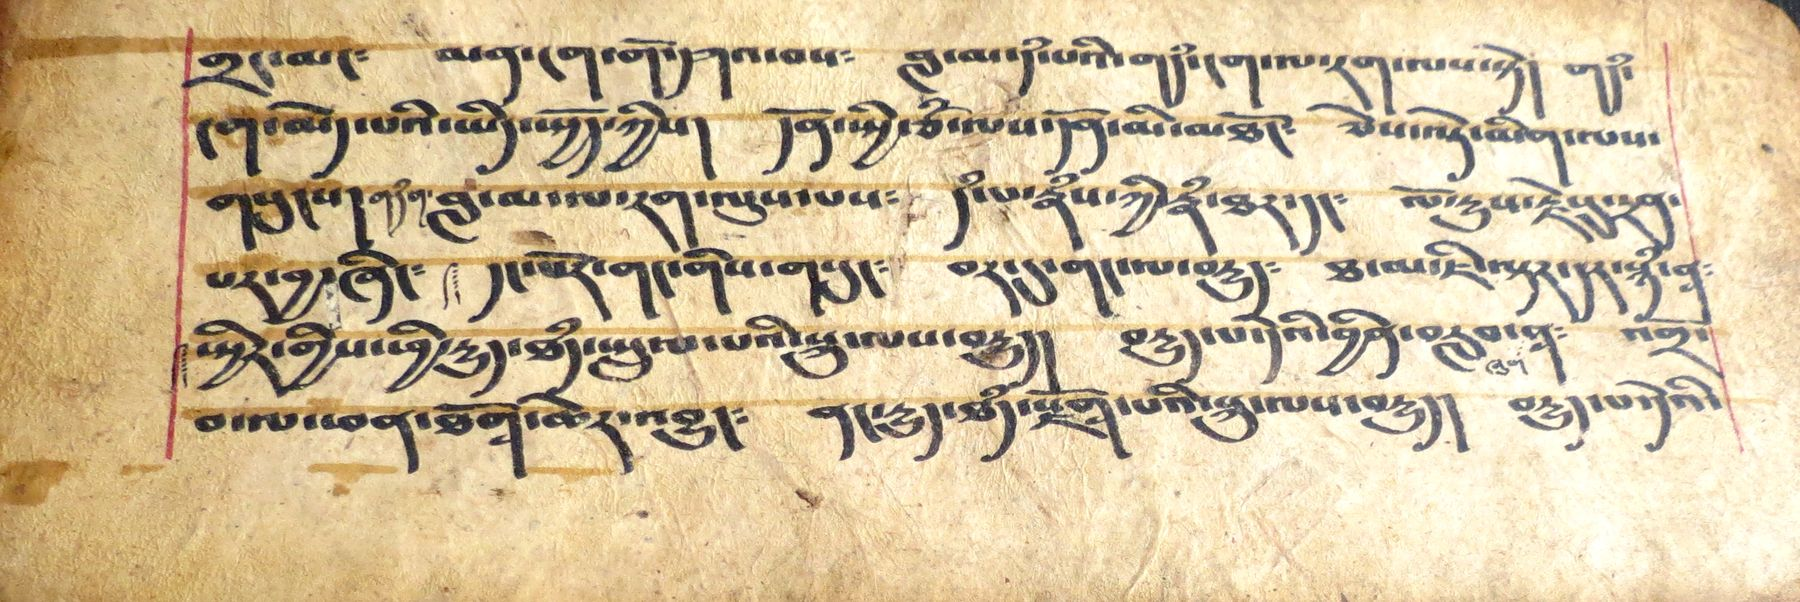གྲངས་མང་། མན་ངག་གོ་དཀའ་བས། བླ་མ་དམ་པའི་གདམས་ངག་ལ་རག་ལས་སྟེ། གདམས་
ངག་མེད་པའི་ཡིད་དཔྱོད་ཀྱི། དོན་སྤྱི་ཙམ་ལས་དོན་མི་མཐོང་། ཅེས་ལྡེ་མིག་ལས་
གསུངས། གདན་བླ་མ་ལ་རག་ལུས་པས་ དམ་པ་རྣམས་ཀྱི་རྣམ་ཐར་དང་ ལོ་རྒྱུས་རྗེས་སུ་དྲན་
པར་བྱ་ཞིང་། དང་པོ་གང་གིས་གསུངས། བར་དུ་གང་ལ་བརྒྱུད། ཐ་མ་ཇི་ལྟར་དར་སྙམ་ནས། 
སྤྱིར་གྱི་ཕྱི་རྒྱུད་ཐམས་ཅད་སྤྲུལ་པའི་སྐུ་ལས་བརྒྱུད། བརྒྱུད་པ་དེའི་བྱིན་རླབས་ཞུགས་ནས་འགྲོ་
བ་ལ་ཕན་ཐོག་ཆེ་བར་འབྱུང་། ནང་རྒྱུད་ཐམས་ཅད་རྫོགས་པའི་སྐུ་ལས་བརྒྱུད། བརྒྱུད་པ་དེའི་